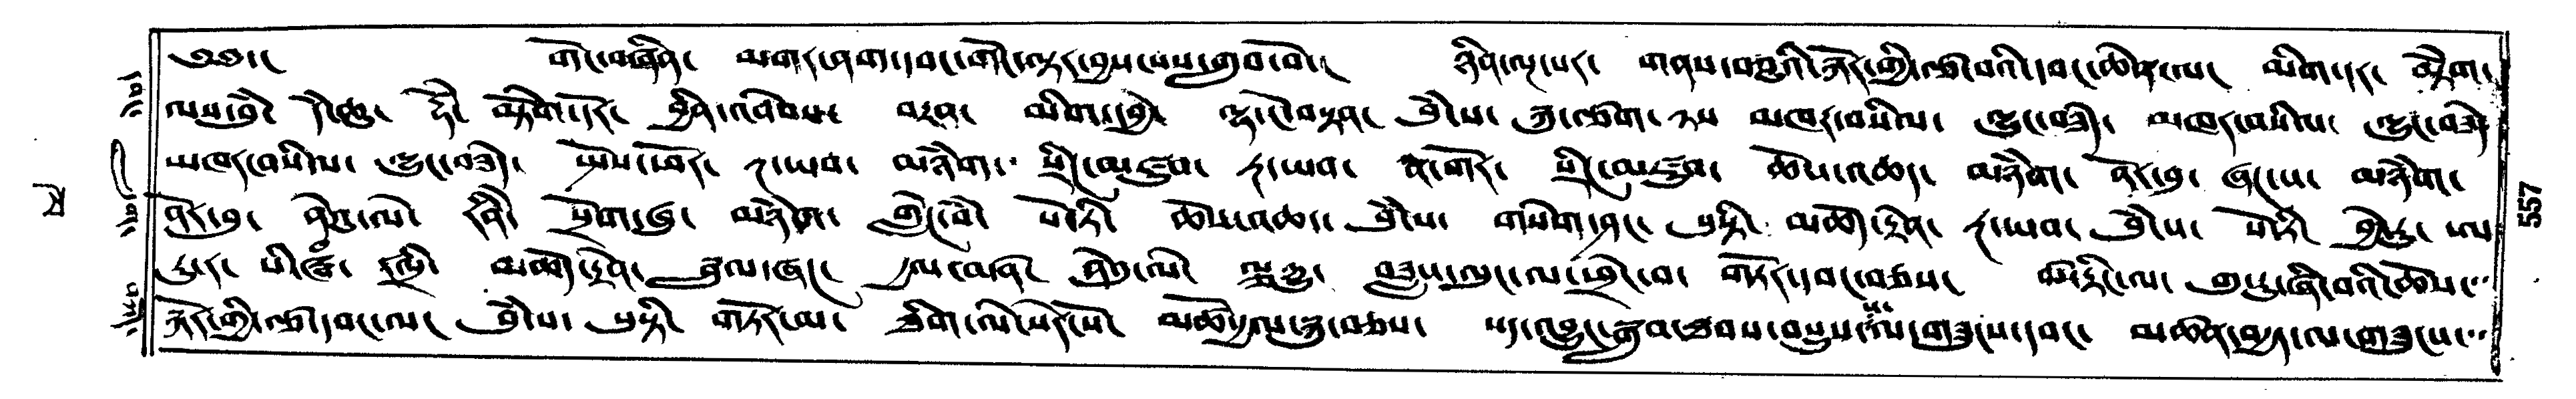གོང་བཞིན། མགར་ནག་དབང་གོང་ལྟར་བྱས་པས་གྲུབ་བོ། ཉིན་ལྔ་པར། གནས་བཅུའི་སྐོར་གྱི་རྩ་བའི་དབང་ཆེན་ལ། མིག་དར། མེ་ཏོག 
ལས་བུམ། དམ་ཆུ། རྡོ་རྗེ། མེ་ཏོག་དོར། བྱིན་འབེབས། བརྟན། མིག་དབྱེ། ལྷ་ངོ་བསྟན། བུམ་པ། སྐུ་རྩག་༢༥ མཁར་བསིལ། ལྷུང་བཟེད། 
མཁར་བསིལ། ལྷུང་བཟེད། མཁར་བསིལ། ལྷུང་བཟེད། སྤོས་ཕོར། རྔ་ཡབ། མཉམ་བཞག སྡིགས་མཛུབ། རྔ་ཡབ། སྣ་གོར། སྡིགས་མཛུབ། ཆོས་འཆད། མཉམ་བཞག ནོར་བུ། ཞགས་པ། མཉམ་བཞག 
ནོར་བུ། ནེའུ་ལེ། རིན་ཆེན། བྲོག་ཞུ། མཉམ་བཞག གླེགས་བམ། པོ་ཏི། ཆོས་འཆད། བུམ་པ། གསེག་ཤང་། པོ་ཏི། མཆོད་རྟེན། རྔ་ཡབ། བུམ་པ། པོ་ཏི། བྱེ་རུ། ཨ་
རུ་ར། པི་ཝཾ། རལ་གྲི། མཆོད་རྟེན། སྦྲུལ་ཞགས། རྒྱལ་མཚན། ནེའུ་ལེ། ལྕགས་ཀྱུ། བཟླས་ལུང་ལ་ཕྲེང་བ། གཏོར་དབང་བཅས། ཚ་རྟིང་ལ། གུ་རུ་ཞི་བའི་ཆོས་
སྐོར་གྱི་རྩ་དབང་ལ། བུམ་པ། པོ་ཏི། གཏོར་མ། ཐིག་ལེ་སེར་པོ། མཚོ་རྒྱལ་སྐུ་བཅས། པར་འབྱུང་སྒྲུབ་ཐབས་བསྡུས་པ་ལ་གཟུངས་དབང་། མཚན་བརྒྱད་ལ་གཟུངས་